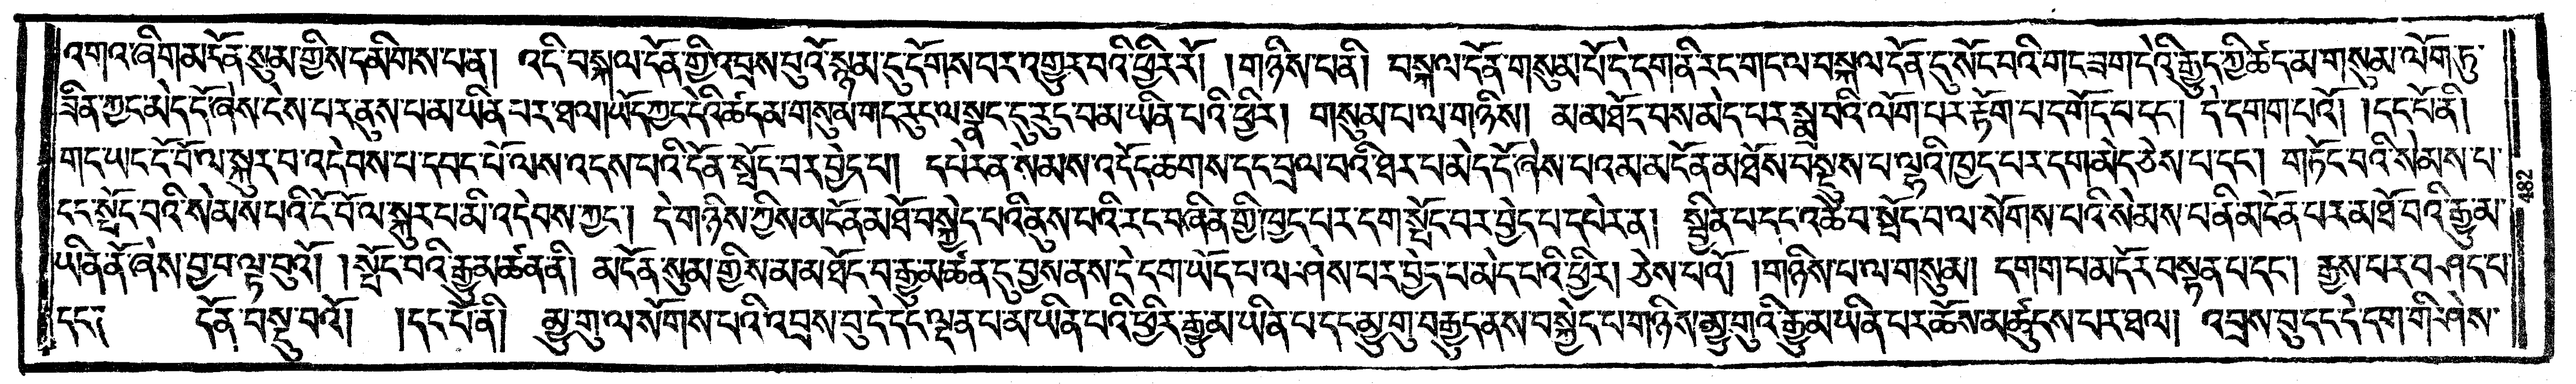འགའ་ཞིག་མངོན་སུམ་གྱིས་དམིགས་པ་ན། འདི་བསྐལ་དོན་གྱི་འབྲས་བུའོ་སྙམ་དུ་དོགས་པར་འགྱུར་བའི་ཕྱིར་རོ། །གཉིས་པ་ནི། བསྐལ་དོན་གསུམ་པོ་དེ་དག་ནི་རང་གང་ལ་བསྐལ་དོན་དུ་སོང་བའི་གང་ཟག་དེའི་རྒྱུད་ཀྱི་ཚད་མ་གསུམ་ལོག་ཏུ་
ཟིན་ཀྱང་མེད་དོ་ཞེས་ངེས་པར་ནུས་པ་མ་ཡིན་པར་ཐལ། ཡོད་ཀྱང་དེའི་ཚད་མ་གསུམ་གང་རུང་ལ་སྣང་དུ་རུང་བ་མ་ཡིན་པའི་ཕྱིར། གསུམ་པ་ལ་གཉིས། མ་མཐོང་བས་མེད་པར་སྨྲ་བའི་ལོག་པར་རྟོག་པ་དགོད་པ་དང་། དེ་དགག་པའོ། །དང་པོ་ནི།
གང་ཡང་ངོ་བོ་ལ་སྐུར་པ་འདེབས་པ་དབང་པོ་ལས་འདས་པའི་དོན་སྤོང་བར་བྱེད་པ། དཔེར་ན་སེམས་འདོད་ཆགས་དང་བྲལ་བའི་ཐར་པ་མེད་དོ་ཞེས་པའམ་མངོན་མཐོས་བསྡུས་པ་ལྷའི་ཁྱད་པར་དག་མེད་ཅེས་པ་དང་། གཏོང་བའི་སེམས་པ་
དང་སྤོང་བའི་སེམས་པའི་ངོ་བོ་ལ་སྐུར་པ་མི་འདེབས་ཀྱང་། དེ་གཉིས་ཀྱིས་མངོན་མཐོ་བསྐྱེད་པའི་ནུས་པར་རང་བཞིན་གྱི་ཁྱད་པར་དག་སྤོང་བར་བྱེད་པ་དཔེར་ན། སྦྱིན་པ་དང་འཆེ་བ་སྤོང་བ་ལ་སོགས་པའི་སེམས་པ་ནི་མངོན་པར་མཐོ་བའི་རྒྱུ་མ་
ཡིན་ནོ་ཞེས་བྱ་བ་ལྟ་བུའོ། །སྤོང་བའི་རྒྱུ་མཚན་ནི། མངོན་སུམ་གྱིས་མ་མཐོང་བ་རྒྱུ་མཚན་དུ་བྱས་ནས་དེ་དག་ཡོད་པ་ལ་ཤེས་པར་བྱེད་པ་མེད་པའི་ཕྱིར། ཅེས་པའོ། །གཉིས་པ་ལ་གསུམ། དགག་པ་མདོར་བསྟན་པ་དང་། རྒྱས་པར་བཤད་པ་
དང་། དོན་བསྡུ་བའོ། །དང་པོ་ནི། མྱུ་གུ་ལ་སོགས་པའི་འབྲས་བུ་དེ་དང་ལྡན་པ་མ་ཡིན་པའི་ཕྱིར་རྒྱུ་མ་ཡིན་པ་དང་མྱུ་གུ་བརྒྱུད་ནས་བསྐྱེད་པ་གཉིས་མྱུ་གུའི་རྒྱུ་མ་ཡིན་པར་ཆོས་མཚུངས་པར་ཐལ། འབྲས་བུ་དང་དེ་དག་གི་ཤེས་